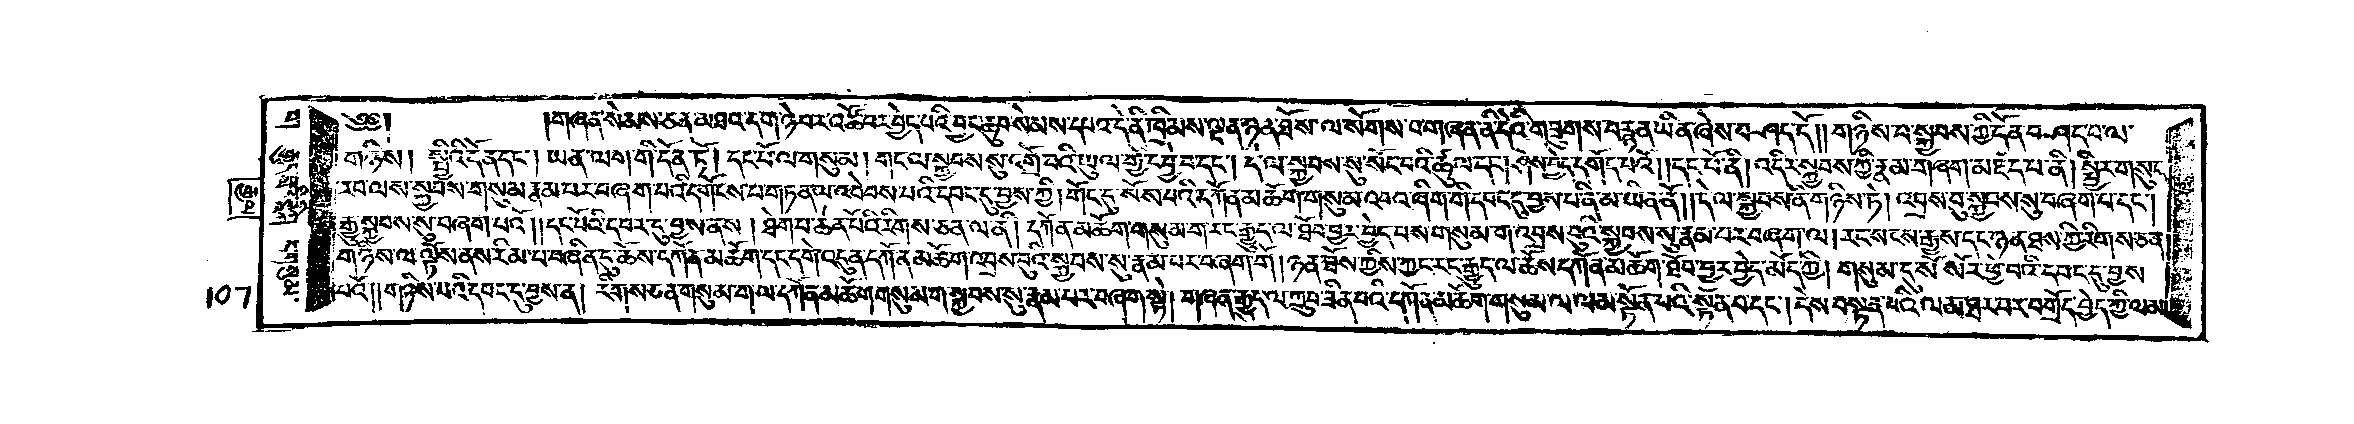༄༅། །གཞན་སེམས་ཅན་མཐའ་དག་ཉེ་བར་འཚོ་བར་བྱེད་པའི་བྱང་ཆུབ་སེམས་དཔའ་དེ་ནི་ཁྲིམས་ལྡན་ཉན་ཐོས་ལ་སོགས་པ་གཞན་ནི་དེའི་གཟུགས་བརྙན་ཡིན་ཞེས་བཤད་དོ། །གཉིས་པ་སྐྱབས་ཀྱི་དོན་བཤད་པ་ལ་
གཉིས། སྤྱིའི་དོན་དང་། ཡན་ལག་གི་དོན་ཏོ། དང་པོ་ལ་གསུམ། གང་ལ་སྐྱབས་སུ་འགྲོ་བའི་ཡུལ་གྱི་དབྱེ་བ་དང་། དེ་ལ་སྐྱབས་སུ་སོང་བའི་ཚུལ་དང་། ཤེས་བྱེད་དགོད་པའོ། །དང་པོ་ནི། འདིར་སྐྱབས་ཀྱི་རྣམ་གཞག་མཛད་པ་ནི། སྤྱིར་གསུང་
རབ་ལས་སྐྱབས་གསུམ་རྣམ་པར་བཞག་པའི་དགོངས་པ་གཏན་ལ་འབེབས་པའི་དབང་དུ་བྱས་ཀྱི། གོང་དུ་སོས་པའི་དཀོན་མཆོག་གསུམ་འབའ་ཞིག་གི་དབང་དུ་བྱས་པ་ནི་མ་ཡིན་ནོ། །དེ་ལ་སྐྱབས་ནི་གཉིས་ཏེ། འབྲས་བུ་སྐྱབས་སུ་བཞག་པ་དང་།
རྒྱུ་སྐྱབས་སུ་བཞག་པའོ། །དང་པོའི་དབང་དུ་བྱས་ནས། ཐེག་པ་ཆེན་པོའི་རིགས་ཅན་ལ་ནི། དཀོན་མཆོག་གསུམ་ག་རང་རྒྱུད་ལ་ཐོབ་བྱར་བྱེད་པས་གསུམ་ག་འབྲས་བུའི་སྐྱབས་སུ་རྣམ་པར་བཞག་ལ། རང་སངས་རྒྱས་དང་ཉན་ཐས་ཀྱི་རིགས་ཅན་
གཉིས་ལ་ལྟོས་ནས་རིམ་པ་བཞིན་དུ་ཆོས་དཀོན་མཆོག་དང་དགེ་འདུན་དཀོན་མཆོག་འབྲས་བུའི་སྐྱབས་སུ་རྣམ་པར་བཞག་གོ །ཉན་ཐོས་ཀྱིས་ཀྱང་རང་རྒྱུད་ལ་ཆོས་དཀོན་མཆོག་ཐོབ་བྱར་བྱེད་མོད་ཀྱི། གསུམ་དུ་སོ་སོར་ཕྱེ་བའི་དབང་དུ་བྱས་
པའོ༑ ༑གཉིས་པའི་དབང་དུ་བྱས་ན། རིགས་ཅན་གསུམ་ག་ལ་དཀོན་མཆོག་གསུམ་ག་སྐྱབས་སུ་རྣམ་པར་བཞག་སྟེ། གཞན་རྒྱུད་ལ་གྲུབ་ཟིན་པའི་དཀོན་མཆོག་གསུམ་ལ་ལམ་སྟོན་པའི་སྟོན་པ་དང་། དེས་བསྟན་པའི་ལམ་ཐར་པར་བགྲོད་བྱེད་ཀྱི་ལམ་